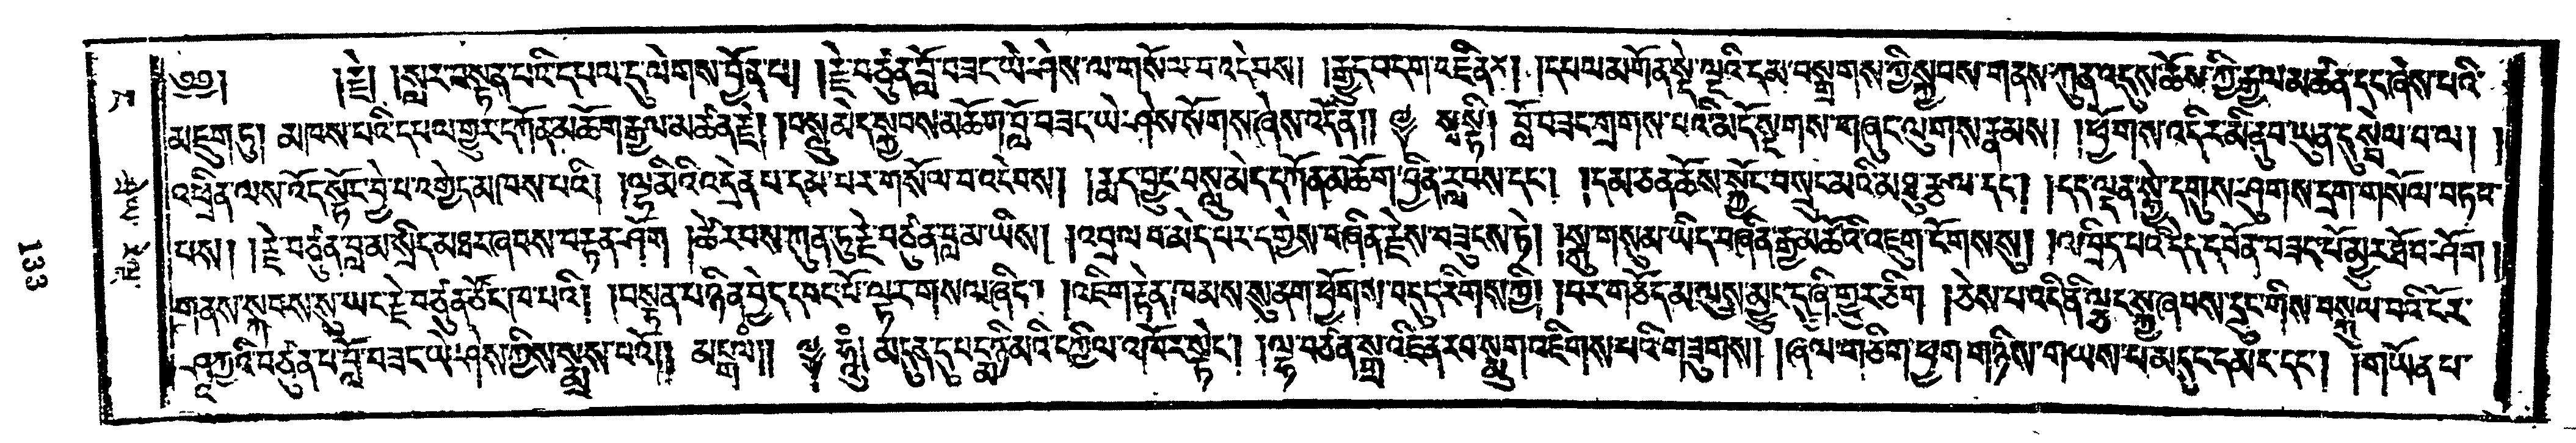༄༅། །རྗེ། །སླར་བསྟན་པའི་དཔལ་དུ་ལེགས་བྱོན་པ། །རྗེ་བཙུན་བློ་བཟང་ཡེ་ཤེས་ལ་གསོལ་བ་འདེབས། །རྒྱུད་བདག་འཛིན་྾། །དཔལ་མགོན་སྡེ་ལྔའི་དམ་བསྒྲགས་ཀྱི་སྐྱབས་གནས་ཀུན་འདུས་ཆོས་ཀྱི་རྒྱལ་མཚན་དང་ཞེས་པའི་
མཇུག་ཏུ། མཁས་པའི་དཔལ་གྱུར་དཀོན་མཆོག་རྒྱལ་མཚན་རྗེ། །བསླུ་མེད་སྐྱབས་མཆོག་བློ་བཟང་ཡེ་ཤེས་སོགས་ཞེས་འདོན།། ༈ སྭསྟི། བློ་བཟང་གྲགས་པའི་མདོ་སྔགས་གཞུང་ལུགས་རྣམས། །ཕྱོགས་འདིར་མི་ནུབ་ཡུན་དུ་སྦེལ་བ་ལ། །
འཕྲིན་ལས་འོད་སྟོང་བྱེ་པ་འགྱེད་མཁས་པའི། །ལྷ་མིའི་འདྲེན་པ་དམ་པར་གསོལ་བ་འདེབས། །རྨད་བྱུང་བསླུ་མེད་དཀོན་མཆོག་བྱིན་རླབས་དང་། །དམ་ཅན་ཆོས་སྐྱོང་བསྲུང་མའི་མཐུ་རྩལ་དང་། །དད་ལྡན་སྐྱེ་དགུས་ཤུགས་དྲག་གསོལ་བཏབ་
པས། །རྗེ་བཙུན་བླ་མ་སྲིད་མཐར་ཞབས་བརྟན་ཤོག །ཚེ་རབས་ཀུན་ཏུ་རྗེ་བཙུན་བླ་མ་ཡིས། །འབྲལ་བ་མེད་པར་དགྱེས་བཞིན་རྗེས་བཟུངས་ཏེ། །སྐུ་གསུམ་ཡིད་བཞིན་རྒྱ་མཚོའི་འཇུག་ངོགས་སུ། །འཁྲིད་པའི་དེད་དཔོན་བཟང་པོ་མྱུར་ཐོབ་ཤོག །
གནས་སྐབས་སུ་ཡང་རྗེ་བཙུན་ཙོང་ཁ་པའི། །བསྟན་པ་ཉིན་བྱེད་དབང་པོ་ལྟར་གསལ་ཞིང་། །འཇིག་རྟེན་ཁམས་སུ་ནག་ཕྱོགས་བདུད་རིགས་ཀྱི། །བར་གཅོད་མ་ལུས་མྱུང་དུ་ཞི་གྱུར་ཅིག །ཅེས་པ་འདི་ནི་ལྕང་སྐྱ་ཞབས་དྲུང་གིས་བསྐུལ་བའི་ངོར་
ཤཱཀྱའི་བཙུན་པ་བློ་བཟང་ཡེ་ཤེས་ཀྱིས་སྨྲས་པའོ།། མངྒལཾ།། ༈ ཧཱུཾ། མདུན་དུ་པདམ་ཉི་མའི་དཀྱིལ་འཁོར་སྟེང་། །ལྷ་བཙན་སྒྲ་འཛིན་རབ་སྨུག་འཇིགས་པའི་གཟུགས། །ཞལ་གཅིག་ཕྱག་གཉིས་གཡས་པ་མདུང་དམང་དང་། །གཡོན་པ་